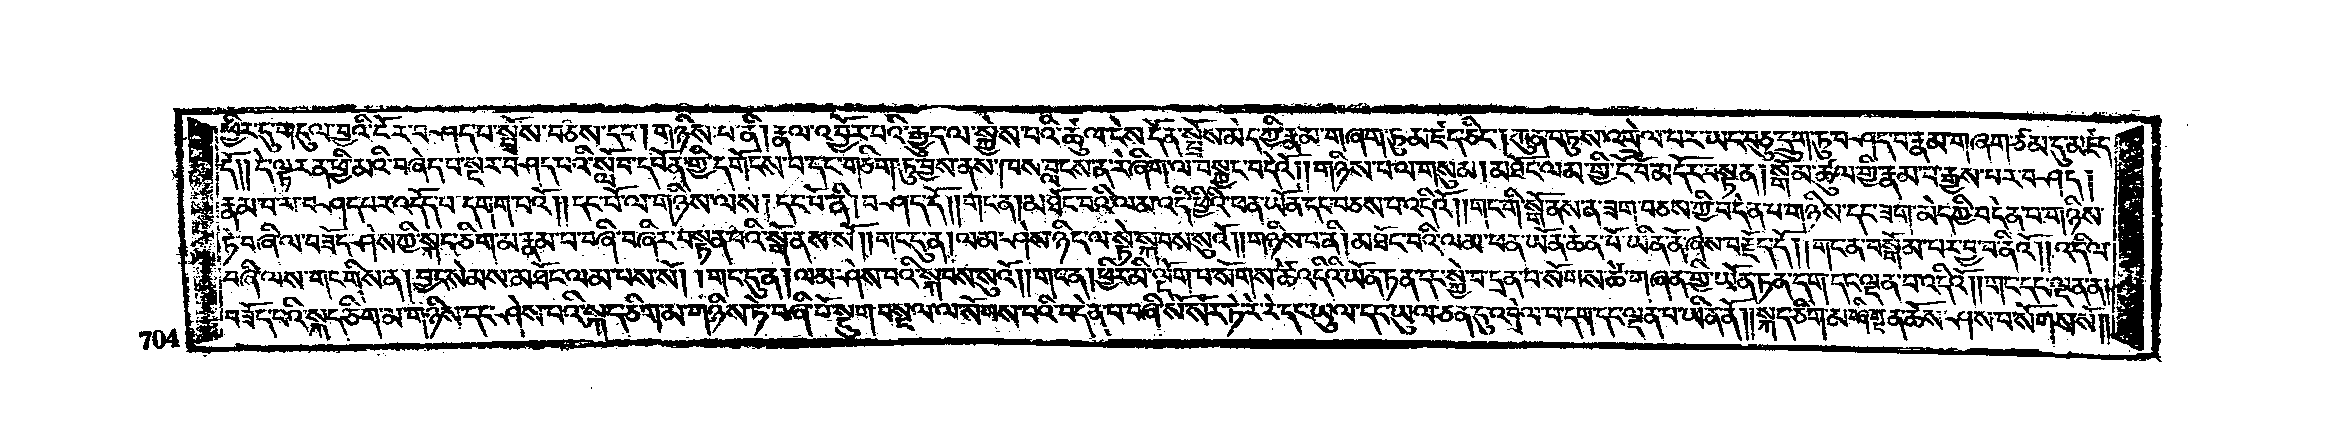ཕྱིར་དུ་གདུལ་བྱའི་ངོར་བཤད་པ་སྤྲོས་བཅས་དང་། གཉིས་པ་ནི། རྣལ་འབྱོར་པའི་རྒྱུད་ལ་སྐྱེས་པའི་ཚུལ་ངེས་དོན་སྤྲོས་མེད་ཀྱི་རྣམ་གཞག་ཏུ་མཛད་ཅིང་། ཀུན་བཏུས་འགྲེལ་པར་ཡང་བཅུ་དྲུག་ཏུ་བཤད་པ་རྣམ་གཞག་ཙམ་དུ་མཛད་
དོ། །དེ་ལྟར་ན་ཕྱི་མའི་བཞེད་པ་སྔར་བཤད་པའི་སློབ་དཔོན་གྱི་དགོངས་པ་དང་གཅིག་ཏུ་བྱས་ནས་ཁས་བླངས་ན་རེ་ཞིག་ལ་བསྐྱང་བདེའོ། །གཉིས་པ་ལ་གསུམ། མཐོང་ལམ་གྱི་ངོ་བོ་མདོར་བསྟན། སྒོམ་ཚུལ་གྱི་རྣམ་པ་རྒྱས་པར་བཤད།
རྣམ་པ་མི་བཤད་པར་འདོད་པ་དགག་པའོ། །དང་པོ་ལ་གཉིས་ལས། དང་པོ་ནི། བཤད་དོ། །གང་ན། མཐོང་བའི་ལམ་འདི་ཕྱིའི་ཕན་ཡོན་དང་བཅས་པ་འདིའོ། །གང་གི་སྒོ་ནས་ན་ཟག་བཅས་ཀྱི་བདེན་པ་གཉིས་དང་ཟག་མེད་ཀྱི་བདེན་པ་གཉིས་
ཏེ་བཞི་ལ་བཟོད་ཤེས་ཀྱི་སྐད་ཅིག་མ་རྣམ་པ་བཞི་བཞིར་བསྟན་པའི་སྒོ་ནས་སོ། །གང་དུ་ན། ལམ་ཤེས་ཉིད་ལ་སྟེ་སྐབས་སུའོ། །གཉིས་པ་ནི། མཐོང་བའི་ལམ་ཕན་ཡོན་ཆེན་པོ་ཡིན་ནོ་ཞེས་བརྗོད་དོ། །གང་ན་བསྒོམ་པར་བྱ་བ་ནིའོ། །འདི་ལ་
བཞི་ལས་གང་གིས་ན། བྱང་སེམས་མཐོང་ལམ་པས་སོ། །གང་དུ་ན། ལམ་ཤེས་པའི་སྐབས་སུའོ། །གང་ན། ཕྱིར་མི་ལྡོག་པ་སོགས་ཚེ་འདིའི་ཡོན་ཏན་དང་སྐྱེ་བ་དྲན་པ་སོགས་ཚེ་གཞན་གྱི་ཡོན་ཏན་དག་དང་ལྡན་པ་འདིའོ། །གང་དང་ལྡན་ན།
བཟོད་པའི་སྐད་ཅིག་མ་གཉིས་དང་ཤེས་པའི་སྐད་ཅིག་མ་གཉིས་ཏེ་བཞི་པོ་སྡུག་བསྔལ་ལ་སོགས་པའི་བདེན་པ་བཞི་སོ་སོར་ཏེ་རེ་རེ་དང་ཡུལ་དང་ཡུལ་ཅན་དུ་འབྲེལ་པ་དག་དང་ལྡན་པ་ཡིན་ནོ། །སྐད་ཅིག་མ་བཞི་གང་ན་ཆོས་ཤས་པ་སོགས་སོ། །